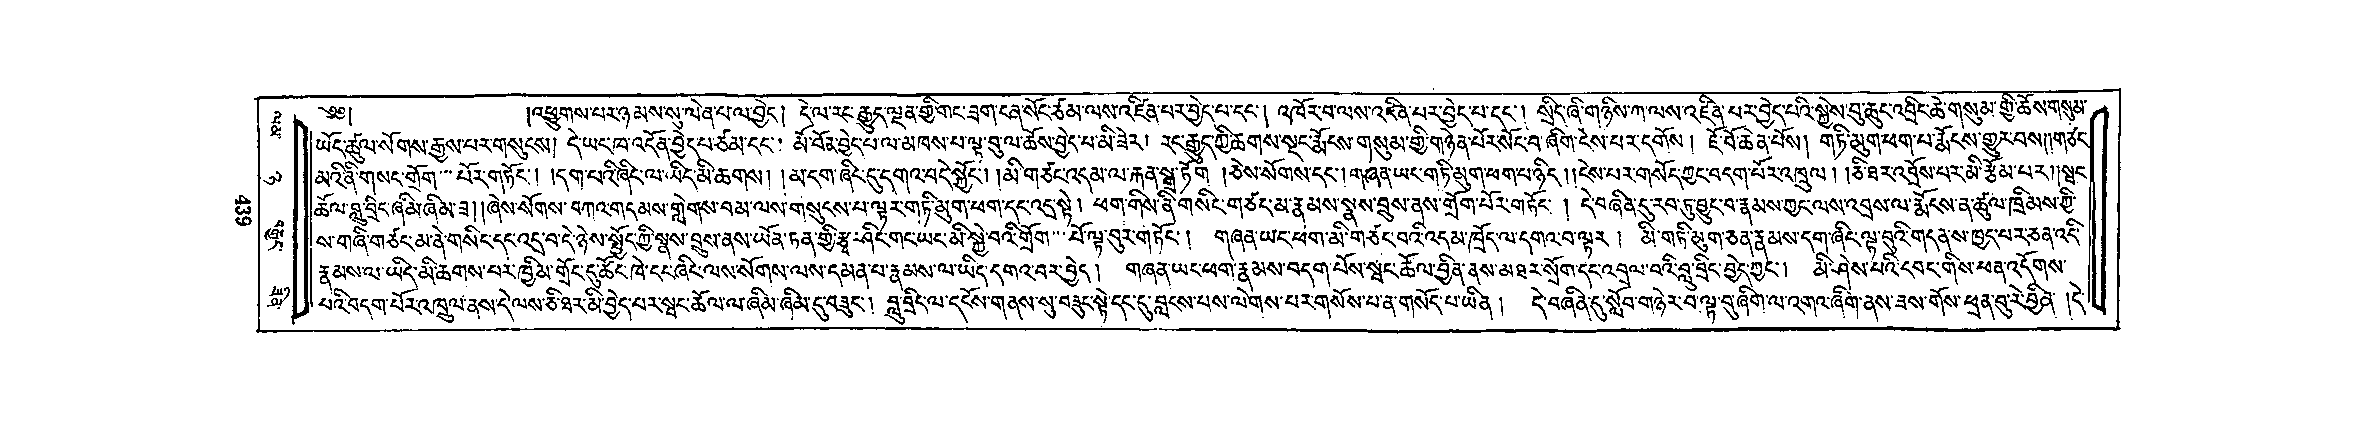༄༅། །འཕྱུགས་པར་ཉམས་སུ་ལེན་པ་ལ་བྱེད། དེ་ལ་རང་རྒྱུད་ལྡན་གྱི་གང་ཟག་ངན་སོང་ཙམ་ལས་འཛིན་པར་བྱེད་པ་དང་། འཁོར་བ་ལས་འཛིན་པར་བྱེད་པ་དང་། སྲིད་ཞི་གཉིས་ཀ་ལས་འཛིན་པར་བྱེད་པའི་སྐྱེས་བུ་ཆུང་འབྲིང་ཆེ་གསུམ་གྱི་ཆོས་གསུམ་
ཡོད་ཚུལ་སོགས་རྒྱས་པར་གསུངས། དེ་ཡང་ཁ་འདོན་བྱེད་པ་ཙམ་དང་། མོ་བོན་བྱེད་པ་ལ་མཁས་པ་ལྟ་བུ་ལ་ཆོས་བྱེད་པ་མི་ཟེར། རང་རྒྱུད་ཀྱི་ཆགས་སྡང་རྨོངས་གསུམ་གྱི་གཉེན་པོར་སོང་བ་ཞིག་ངེས་པར་དགོས། ཇོ་བོ་ཆེན་པོས། གཏི་མུག་ཕག་པ་རྨོངས་གྱུར་བས། །གཙང་
མའི་ནི་གསང་གྲོག་པོར་གཏོང་། དག་པའི་ཞིང་ལ་ཡིད་མི་ཆགས། མ་ངག་ཞིང་དུ་དགའ་བདེ་སྒྱོང་། །མི་གཙང་འདམ་ལ་རྐན་སྒྲ་ཏོག །ཅེས་སོགས་དང་། གཞན་ཡང་ཏི་མུག་ཕག་པ་ཉིད། །ཆེས་པར་གསོད་ཀྱང་བདག་པོར་འཁྲུལ། །ཅེ་ཐར་འབྲོས་པར་མི་རྩོམ་པར། །སྦང་
ཆོལ་བླུ་བྲིད་ཞིམ་ཞིམ་ཟ། །ཞེས་སོགས་བཀའ་གདམས་གླེགས་བམ་ལས་གསུངས་པ་ལྟར་གཏི་མུག་ཕག་དང་འདྲ་སྟེ། ཕག་གིས་ནི་གསིང་གཙང་མ་རྣམས་སྣས་བྲུས་ནས་གྲོག་པོར་གཏོང་། དེ་བཞིན་དུ་རབ་ཏུ་བྱུང་བ་རྣམས་ཀྱང་ལས་འབྲས་ལ་རྨོངས་ན་ཚུལ་ཁྲིམས་ཀྱི་
ས་གཞི་གཙང་མ་ནེ་གསིང་དང་འདྲ་བ་དེ་ཉེས་སྤྱོད་ཀྱི་སྣས་བྲུས་ནས་ཡོན་ཏན་གྱི་རྩྭ་ཤིང་གང་ཡང་མི་སྐྱེ་བའི་གྲོག་པོ་ལྟ་བུར་གཏོང་། གཞན་ཡང་ཕག་མི་གཙང་བའི་འདམ་ཁྲོད་ལ་དགའ་བ་ལྟར། མི་གཏི་མུག་ཅན་རྣམས་དག་ཞིང་ལྟ་བུའི་གདན་ས་ཁྱད་པར་ཅན་འདི་
རྣམས་ལ་ཡིད་མི་ཆགས་པར་ཁྱིམ་གྲོང་དུ་ཚོང་ཁེ་དང་ཞིང་ལས་སོགས་ལས་དམན་པ་རྣམས་ལ་ཡིད་དགའ་བར་བྱེད། གཞན་ཡང་ཕག་རྣམས་བདག་པོས་སྦང་ཚོལ་བྱིན་ནས་མཐར་སྲོག་དང་འབྲལ་བའི་བླུ་བྲིང་བྱེད་ཀྱང་། མི་ཤེས་པའི་དབང་གིས་ཕན་འདོགས་
པའི་བདག་པོར་འཁྲུལ་ནས་དེ་ལས་ཅི་ཐར་མི་བྱེད་པར་སྦང་ཆོལ་ལ་ཞིམ་ཞིམ་དུ་བཟུང་། བླུ་བྲིད་ལ་དངོས་གནས་སུ་བཟུང་སྟེ་དང་དུ་བླངས་པས་ལེགས་པར་གསོས་པ་ན་གསོད་པ་ཡིན། དེ་བཞིན་དུ་སློབ་གཉེར་བ་ལྟ་བུ་ཞིག་ལ་འགའ་ཞིག་ནས་ཟས་གོས་ཕྲན་བུ་རེ་བྱིན། དེ་